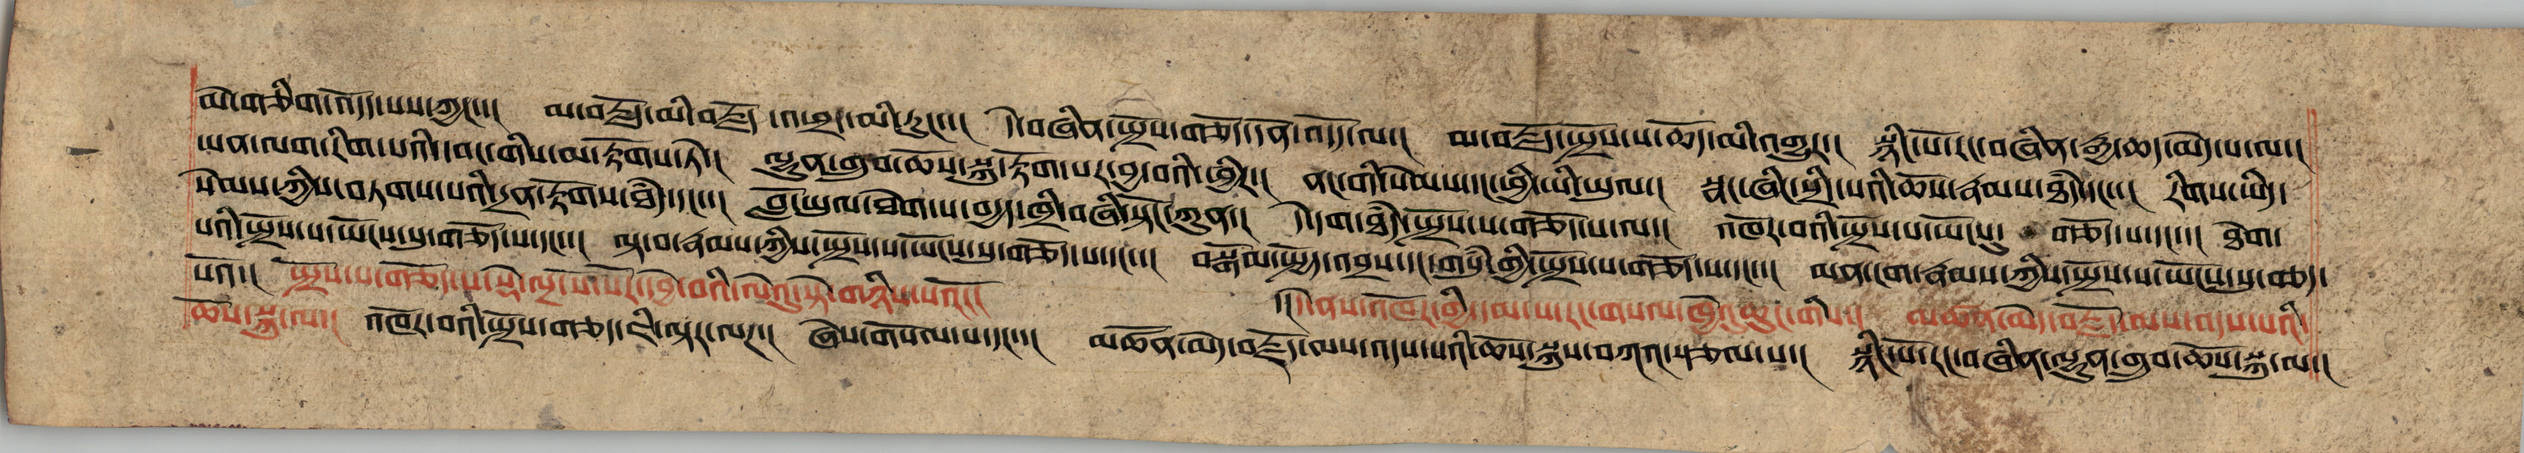མེ་གཅིག་འདོད་པས་ཀྱང་། མ་བརྗོད་མི་བརྗོད་འཕྲང་མི་རུང་་། དེ་བཞིན་སྤྲོས་གཅོད་དོན་འདོད་ལ་། མ་བརྗོད་སྤྲོས་པ་ཆོད་མི་འགྱུར་། སྙིང་པོ་རང་བཞིན་རྒྱ་ཆད་མེད་པ་ལ་།
ཡན་ལག་རིག་པའི་དབང་གིས་མ་རྟོགས་ཏེ་། ལྷུན་གྲུབ་ཆོས་སྐུ་རྟོག་པར་བྱ་བའི་ཕྱིར་། ནང་གི་སེམས་དང་ཕྱི་ཡི་ཡུལ་། སྣང་ཞིང་སྲིད་པའི་ཆོས་རྣམས་ཐཾད་དང་་། རིགས་ཡིད་
སེམས་ཀྱི་བཏགས་པའི་དྲན་རྟོགས་ཐཾད་དང་་། བློ་ཡུལ་ཐེག་པ་བརྒྱད་ཁྲི་བཞི་སྟོང་ཀུན་། དེ་དག་ཐཾད་སྤྲོས་པ་གཅོད་པ་ལ་། འཁོར་བའི་སྤྲོས་པ་ཡོངསུ་ གཅོད་པ་དང་་། ཐེག་
པའི་སྤྲོས་པ་ཡོང་སུ་གཅོད་པ་དང་་། ལྟ་བ་རྣམས་ཀྱིས་སྤྲོས་པ་ཡོངས་སུ་གཅོད་པ་དང་་། བསྒོམ་སྤྱོད་འབྲས་དང་གསུཾ་གྱི་སྤྲོས་པ་གཅོད་པ་དང་་། མན་ངག་རྣམས་ཀྱིས་སྤྲོས་པ་ཡོངས་སུ་བཅད་
པའོ་། སྤྲོས་པ་གཅོད་པ་སྡེ་ལྔ་སོ་སོར་དབྱེ་བའི་ལེའུ་སྟེ་གཉིས་པའོ་། ་།དེ་ནས་འཁོར་གྱི་དམ་པ་རང་གསལ་ཁྱེའུ་ཆུང་གིས་། མཚན་མེད་བརྗོད་ལས་འདས་པའི་
ཆོས་སྐུ་ལ་། འཁོར་བའི་སྤྲོས་བཅད་ཇི་ལྟར་ལཌ་། ཞེས་གསོལ་པ་ད་་། མཚོན་མེད་བརྗོད་ལས་འདས་པའི་ཆོས་སྐུས་བཀའ་སྩལ་པ་། སྙིང་པོ་རང་བཞིན་ལྷུན་གྲུབ་ཆོས་སྐུ་ལ་།